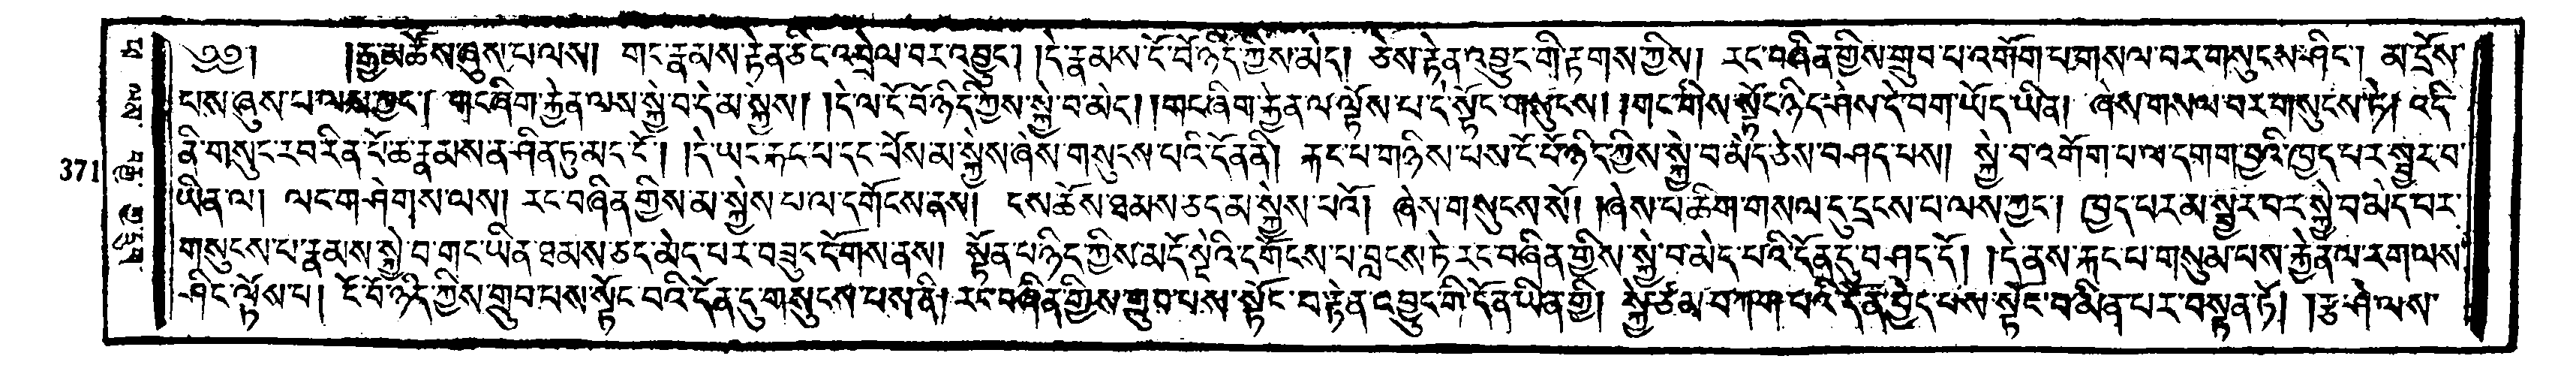༄༅། །རྒྱ་མཚོས་ཞུས་པ་ལས། གང་རྣམས་རྟེན་ཅིང་འབྲེལ་བར་འབྱུང་། །དེ་རྣམས་ངོ་བོ་ཉིད་ཀྱིས་མེད། ཅེས་རྟེན་འབྱུང་གི་རྟགས་ཀྱིས། རང་བཞིན་གྱིས་གྲུབ་པ་འགོག་པ་གསལ་བར་གསུངས་ཤིང་། མ་དྲོས་
པས་ཞུས་པ་ལས་ཀྱང་། གང་ཞིག་རྐྱེན་ལས་སྐྱེ་བ་དེ་མ་སྐྱེས། །དེ་ལ་ངོ་བོ་ཉིད་ཀྱིས་སྐྱེ་བ་མེད། །གང་ཞིག་རྐྱེན་ལ་ལྟོས་པ་དེ་སྟོང་གསུངས། །གང་གིས་སྟོང་ཉིད་ཤེས་དེ་བག་ཡོད་ཡིན། ཞེས་གསལ་བར་གསུངས་ཏེ། འདི་
ནི་གསུང་རབ་རིན་པོ་ཆ་རྣམས་ན་ཤིན་ཏུ་མང་ངོ། །དེ་ཡང་རྐང་པ་དང་པོས་མ་སྐྱེས་ཞེས་གསུངས་པའི་དོན་ནི། རྐང་པ་གཉིས་པས་ངོ་བོ་ཉིད་ཀྱིས་སྐྱེ་བ་མེད་ཅེས་བཤད་པས། སྐྱེ་བ་འགོག་པ་ལ་དགག་བྱའི་ཁྱད་པར་སྦྱར་བ་
ཡིན་ལ། ལང་གཤེགས་ལས། རང་བཞིན་གྱིས་མ་སྐྱེས་པ་ལ་དགོངས་ནས། ངས་ཆོས་ཐམས་ཅད་མ་སྐྱེས་པའོ། ཞེས་གསུངས་སོ། ཞེས་པ་ཚིག་གསལ་དུ་དྲངས་པ་ལས་ཀྱང་། ཁྱད་པར་མ་སྦྱར་བར་སྐྱེ་བ་མེད་པར་
གསུངས་པ་རྣམས་སྐྱེ་བ་གང་ཡིན་ཐམས་ཅད་མེད་པར་བཟུང་དོགས་ནས། སྟོན་པ་ཉིད་ཀྱིས་མདོ་སྡེའི་དགོངས་པ་བླངས་ཏེ་རང་བཞིན་གྱིས་སྐྱེ་བ་མེད་པའི་དོན་དུ་བཤད་དོ། །དེ་ནས་རྐང་པ་གསུམ་པས་རྐྱེན་ལ་རག་ལས་
ཤིང་ལྟོས་པ། ངོ་བོ་ཉིད་ཀྱིས་གྲུབ་པས་སྟོང་བའི་དོན་དུ་གསུངས་པས་ནི། རང་བཞིན་གྱིས་གྲུབ་པས་སྟོང་བ་རྟེན་འབྱུང་གི་དོན་ཡིན་གྱི། སྐྱེ་ཙམ་བཀག་པའི་དོན་བྱེད་པས་སྟོང་བ་མིན་པར་བསྟན་ཏོ། །རྩ་ཤེ་ལས་